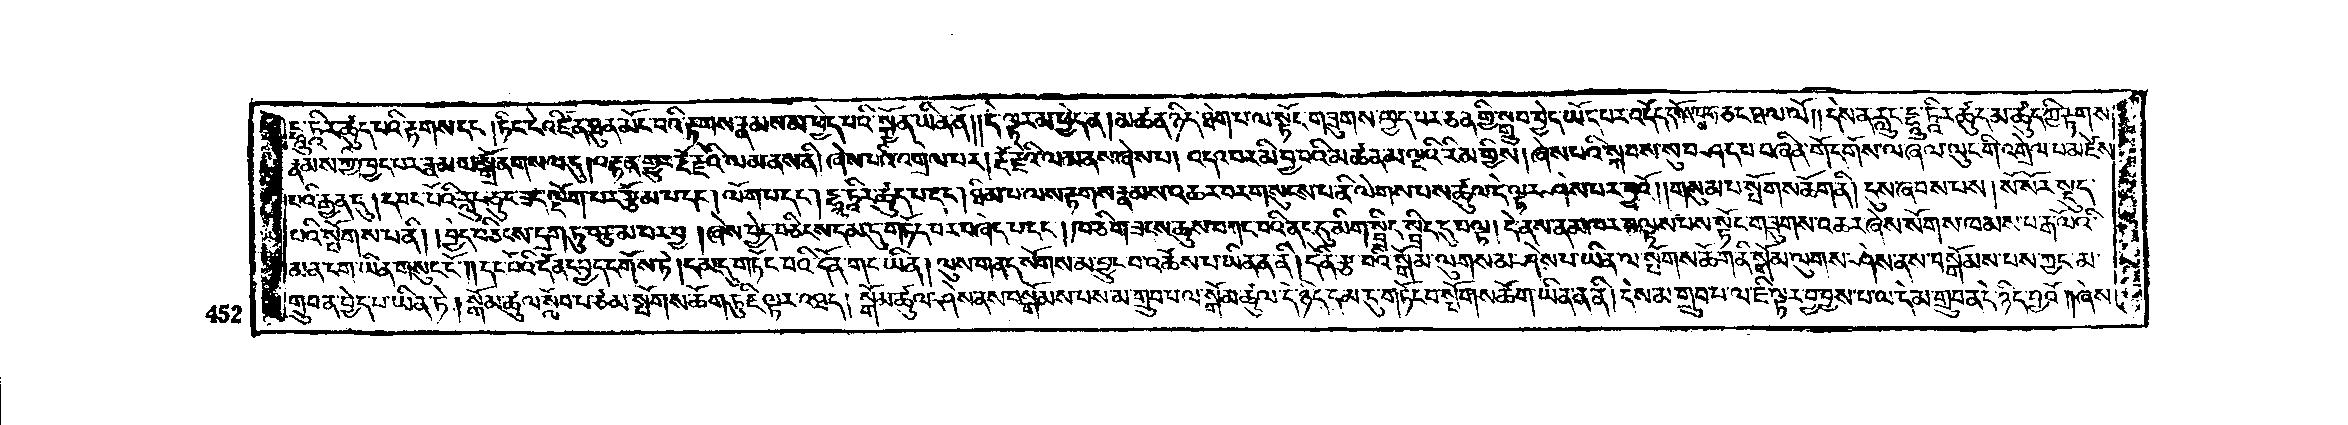དྷཱུ་ཏཱིར་ཚུད་པའི་རྟགས་དང་། ཏིང་ངེ་འཛིན་ཐུན་མོང་བའི་རྟགས་རྣམས་མ་ཕྱེད་པའི་སྐྱོན་ཡིན་ནོ། །དེ་ལྟར་མ་ཕྱེད་ན། མཚན་ཉིད་ཐེག་པ་ལ་སྟོང་གཟུགས་ཁྱད་པར་ཅན་གྱི་སྒྲུབ་བྱེད་ཡོད་པར་འདོད་དགོས་པས་ཧ་ཅང་ཐལ་ལོ། །དེས་ན་རླུང་དྷཱུ་ཏཱིར་ཚུད་མ་ཚུད་ཀྱི་རྟགས་
རྣམས་ཀྱི་ཁྱད་པར་རྣམ་ལ་སྒྲོན་གསལ་དུ། བརྟན་གྱུར་རྡོ་རྗེའི་ལམ་ནས་ནི། ཞེས་པའི་འགྲེལ་པར། རྡོ་རྗེའི་ལམ་ནས་ཞེས་པ། འདའ་བར་མི་བྱ་བའི་མཚན་མ་ལྔའི་རིམ་གྱིས། ཞེས་པའི་སྐབས་སུ་བཤད་པ་བཞིན་གོ་དགོས་ལ་ཞལ་ལུང་གི་འགྲེལ་པ་མཛེས་
པའི་རྒྱན་དུ། དབང་པོའི་རླུང་ཅུང་ཟད་ལྡོག་པར་རྩོམ་པ་དང་། ལོག་པ་དང་། དྷཱུ་ཏཱིར་ཚུད་པ་དང་། ཐིམ་པ་ལས་རྟགས་རྣམས་འཆར་བར་གསུངས་པ་ནི་ལེགས་པས་ཚུལ་དེ་ལྟར་ཤེས་པར་བྱའོ། །གསུམ་པ་སྤོགས་ཆོག་ནི། དུས་ཞབས་པས། སོ་སོར་སྡུད་
པའི་སྤོགས་པ་ནི། །བྱེད་བཅིངས་དྲག་ཏུ་བརྩམ་པར་བྱ། ཞེས་བྱེད་བཅིངས་དམ་དུ་གཏོད་པར་བཞེད་པ་དང་། ཁ་ཅིག་ཟངས་ཆུས་བཀང་བའི་ནང་དུ་མིག་སྦྲིང་སྦྲིང་དུ་བལྟ། དེ་ནས་ནམ་མཁར་བལྟས་པས་སྟོང་གཟུགས་འཆར་ཞེས་སོགས་ཁམས་པ་རྒ་ལོའི་
མན་ངག་ཡིན་གསུང་ངོ། །དང་པོའི་དོན་དཔྱད་དགོས་ཏེ། དམ་དུ་གཏོང་བའི་དོན་གང་ཡིན། ལུས་གནད་སོགས་མ་བྱུང་བ་འཆོས་པ་ཡིན་ན་ནི། དེ་ནི་རྩ་བའི་སྒོམ་ལུགས་མ་ཤེས་པ་ཡིན་ལ་སྤོགས་ཆོག་ནི་སྒོམ་ལུགས་ཤེས་ནས་བསྒོམས་པས་ཀྱང་མ་
གྲུབ་ན་བྱེད་པ་ཡིན་ཏེ། སྒོམ་ཚུལ་སློབ་པ་ཙམ་སྤོགས་ཆོག་ཏུ་ཇི་ལྟར་འཐད། སྒོམ་ཚུལ་ཤེས་ནས་བསྒོམས་པས་མ་གྲུབ་པ་ལ་སྒོམ་ཚུལ་དེ་ཉིད་དམ་དུ་གཏོང་བ་སྤོགས་ཆོག་ཡིན་ན་ནི། དེས་མ་གྲུབ་པ་ལ་ཇི་ལྟར་བྱ་བྱས་པ་ལ་དེ་མ་གྲུབ་ན་དེ་ཉིད་བྱའོ། །ཞེས་